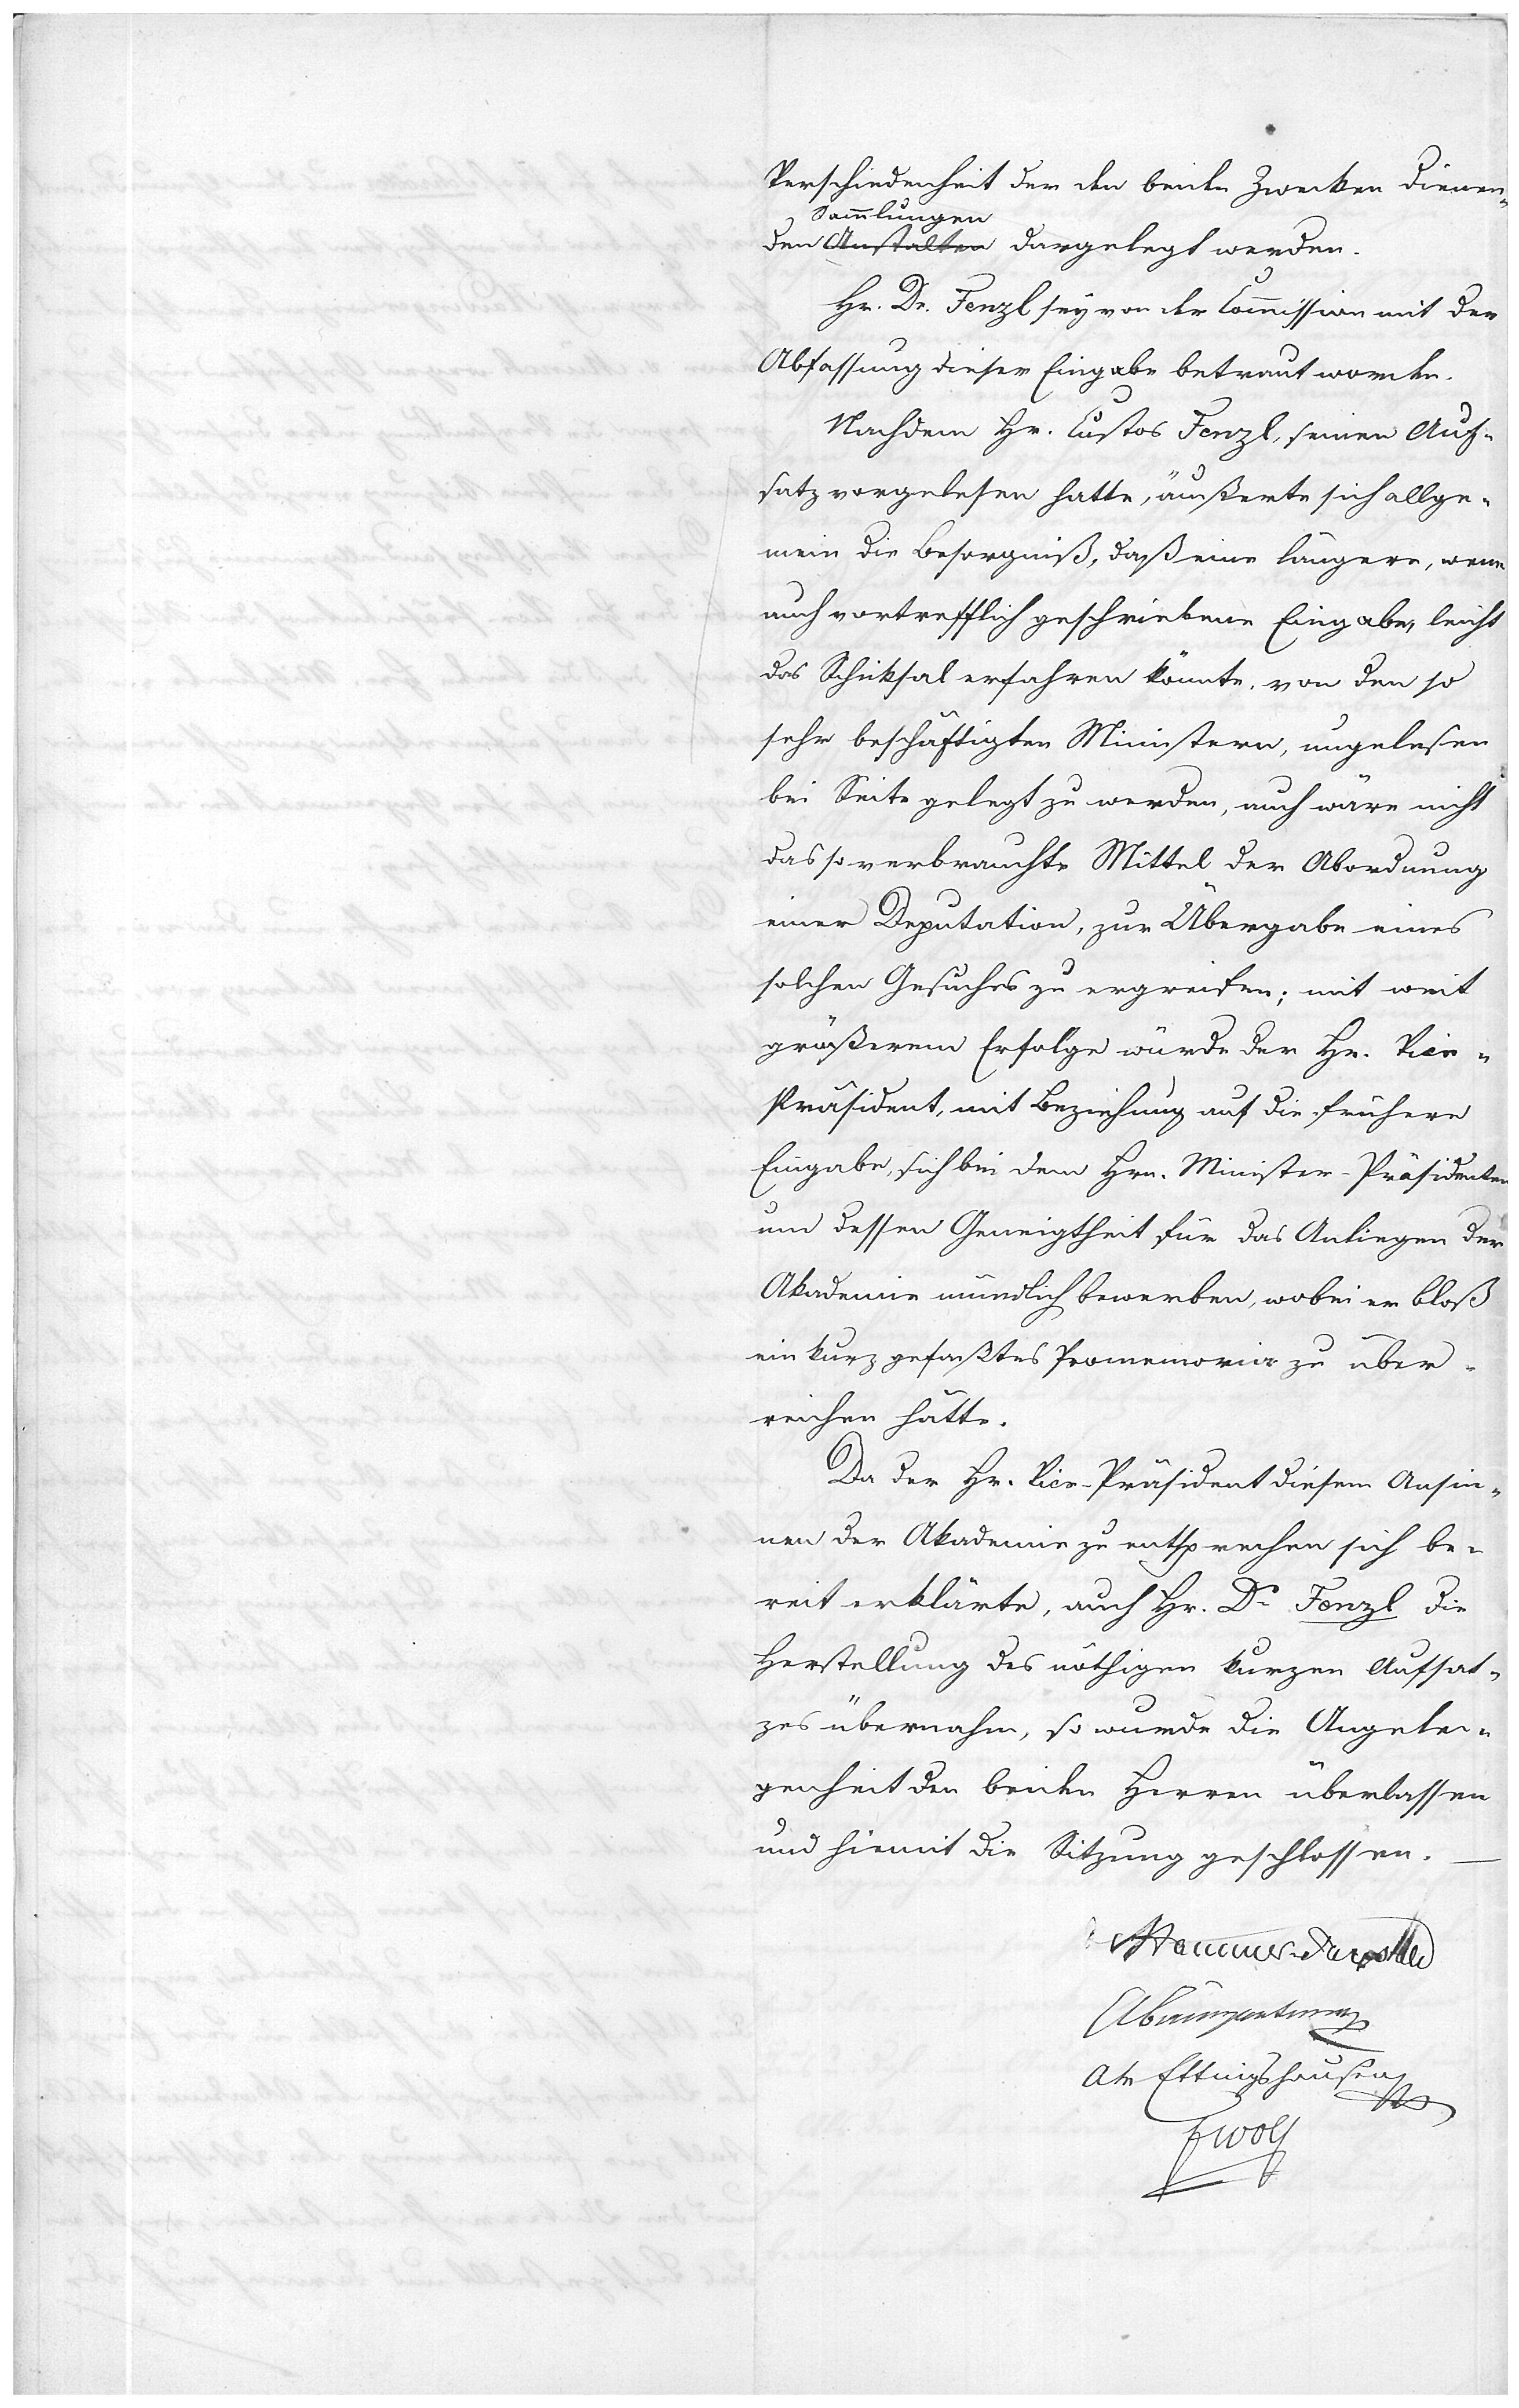Verschiedenheit der den beiden Zwecke dienen-
Sammlungen
den Anstalten dargelegt werden.
Hr. Dr. Fenzl sey von der Commission mit der
Abfassung dieser Eingabe betraut worden.
Nachdem Hr. Custos Fenzl seinen Auf-
satz vorgelesen hatte, äußerte sich allge-
mein die Besorgniß, daß eine längere, wenn
auch vortrefflich geschriebene Eingabe, leicht
das Schicksal erfahren könnte, von den so
sehr beschäftigten Ministern, ungelesen
bei Seite gelegt zu werden, auch wäre nicht
das so verbrauchte Mittel der Abordnung
einer Deputation, zur Übergabe eines
solchen Gesuche zu ergreifen, mit weit
größerem Erfolge würde der Hr. Vice-
Präsident mit Beziehung auf die frühere
Eingabe, sich bei dem Hrn. Minister-Präsidenten
und dessen Geneigtheit für das Anliegen der
Akademie mündlich bewerken, wobei er bloß
ein kurz gefaßten Promemoria zu über-
reichen hätte.
Da der Hr. Vice-Präsident diesem Ansin-
nen der Akademie zu entsprechen sich be-
reit erklärte, auch Hr. Dr. Fenzl die
Herstellung des nöthigen kurzen Aufsat-
zes übernahm, so wurde die Angele-
genheit den beiden Herren überlassen
und hiemit die Sitzung geschlossen.
Hammer-Purgstall
ABaumgartner
AvEttingshausen
FWolf